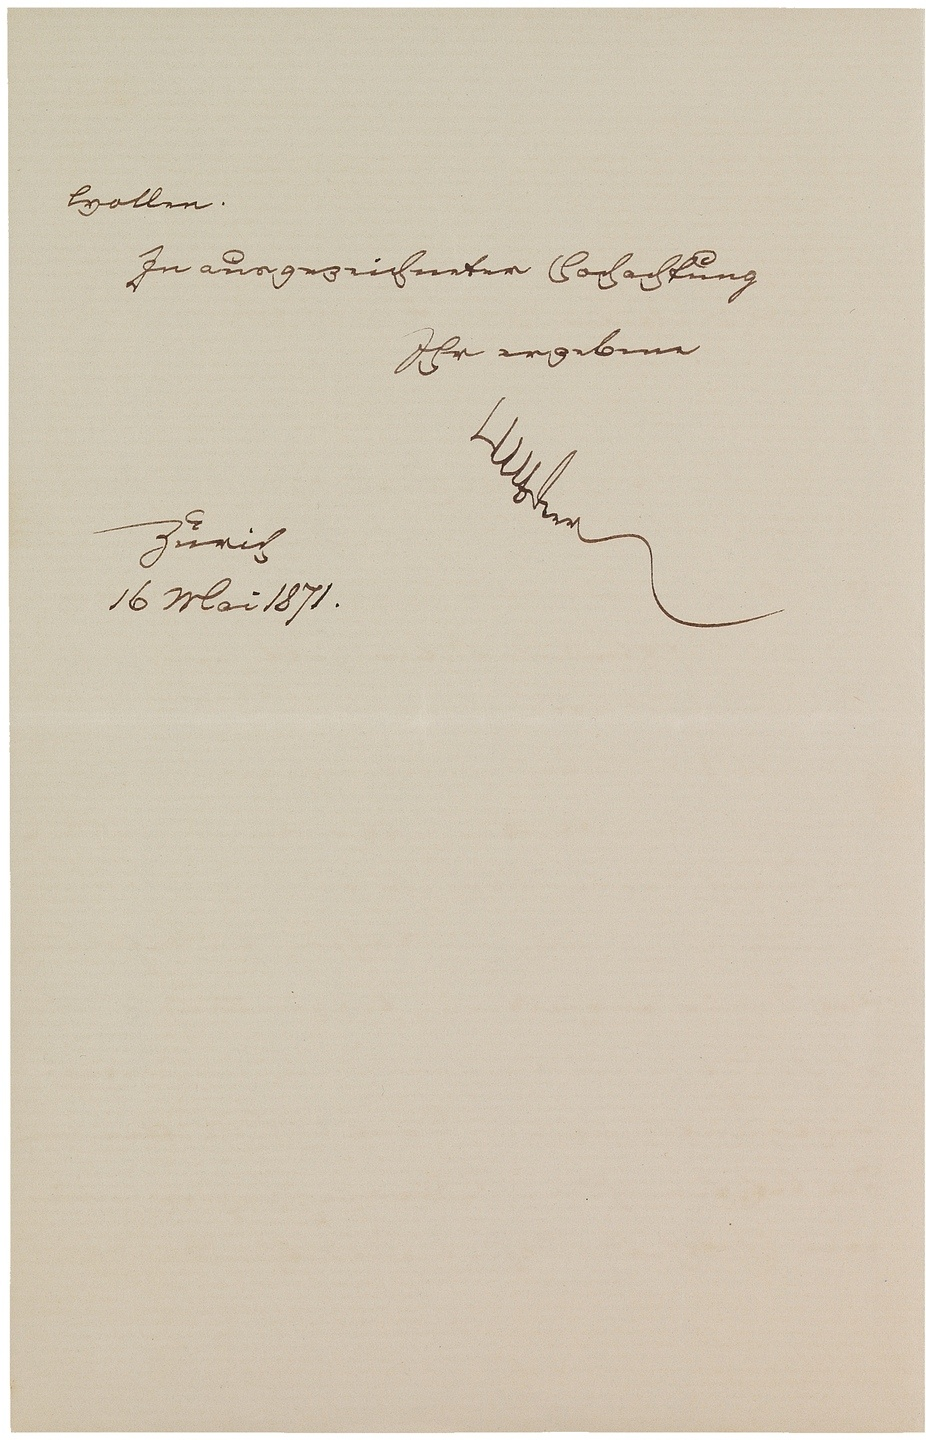wollen.
In ausgezeichneter Hochachtung
Ihr ergebene
Escher
Zürich
16 Mai 1871.